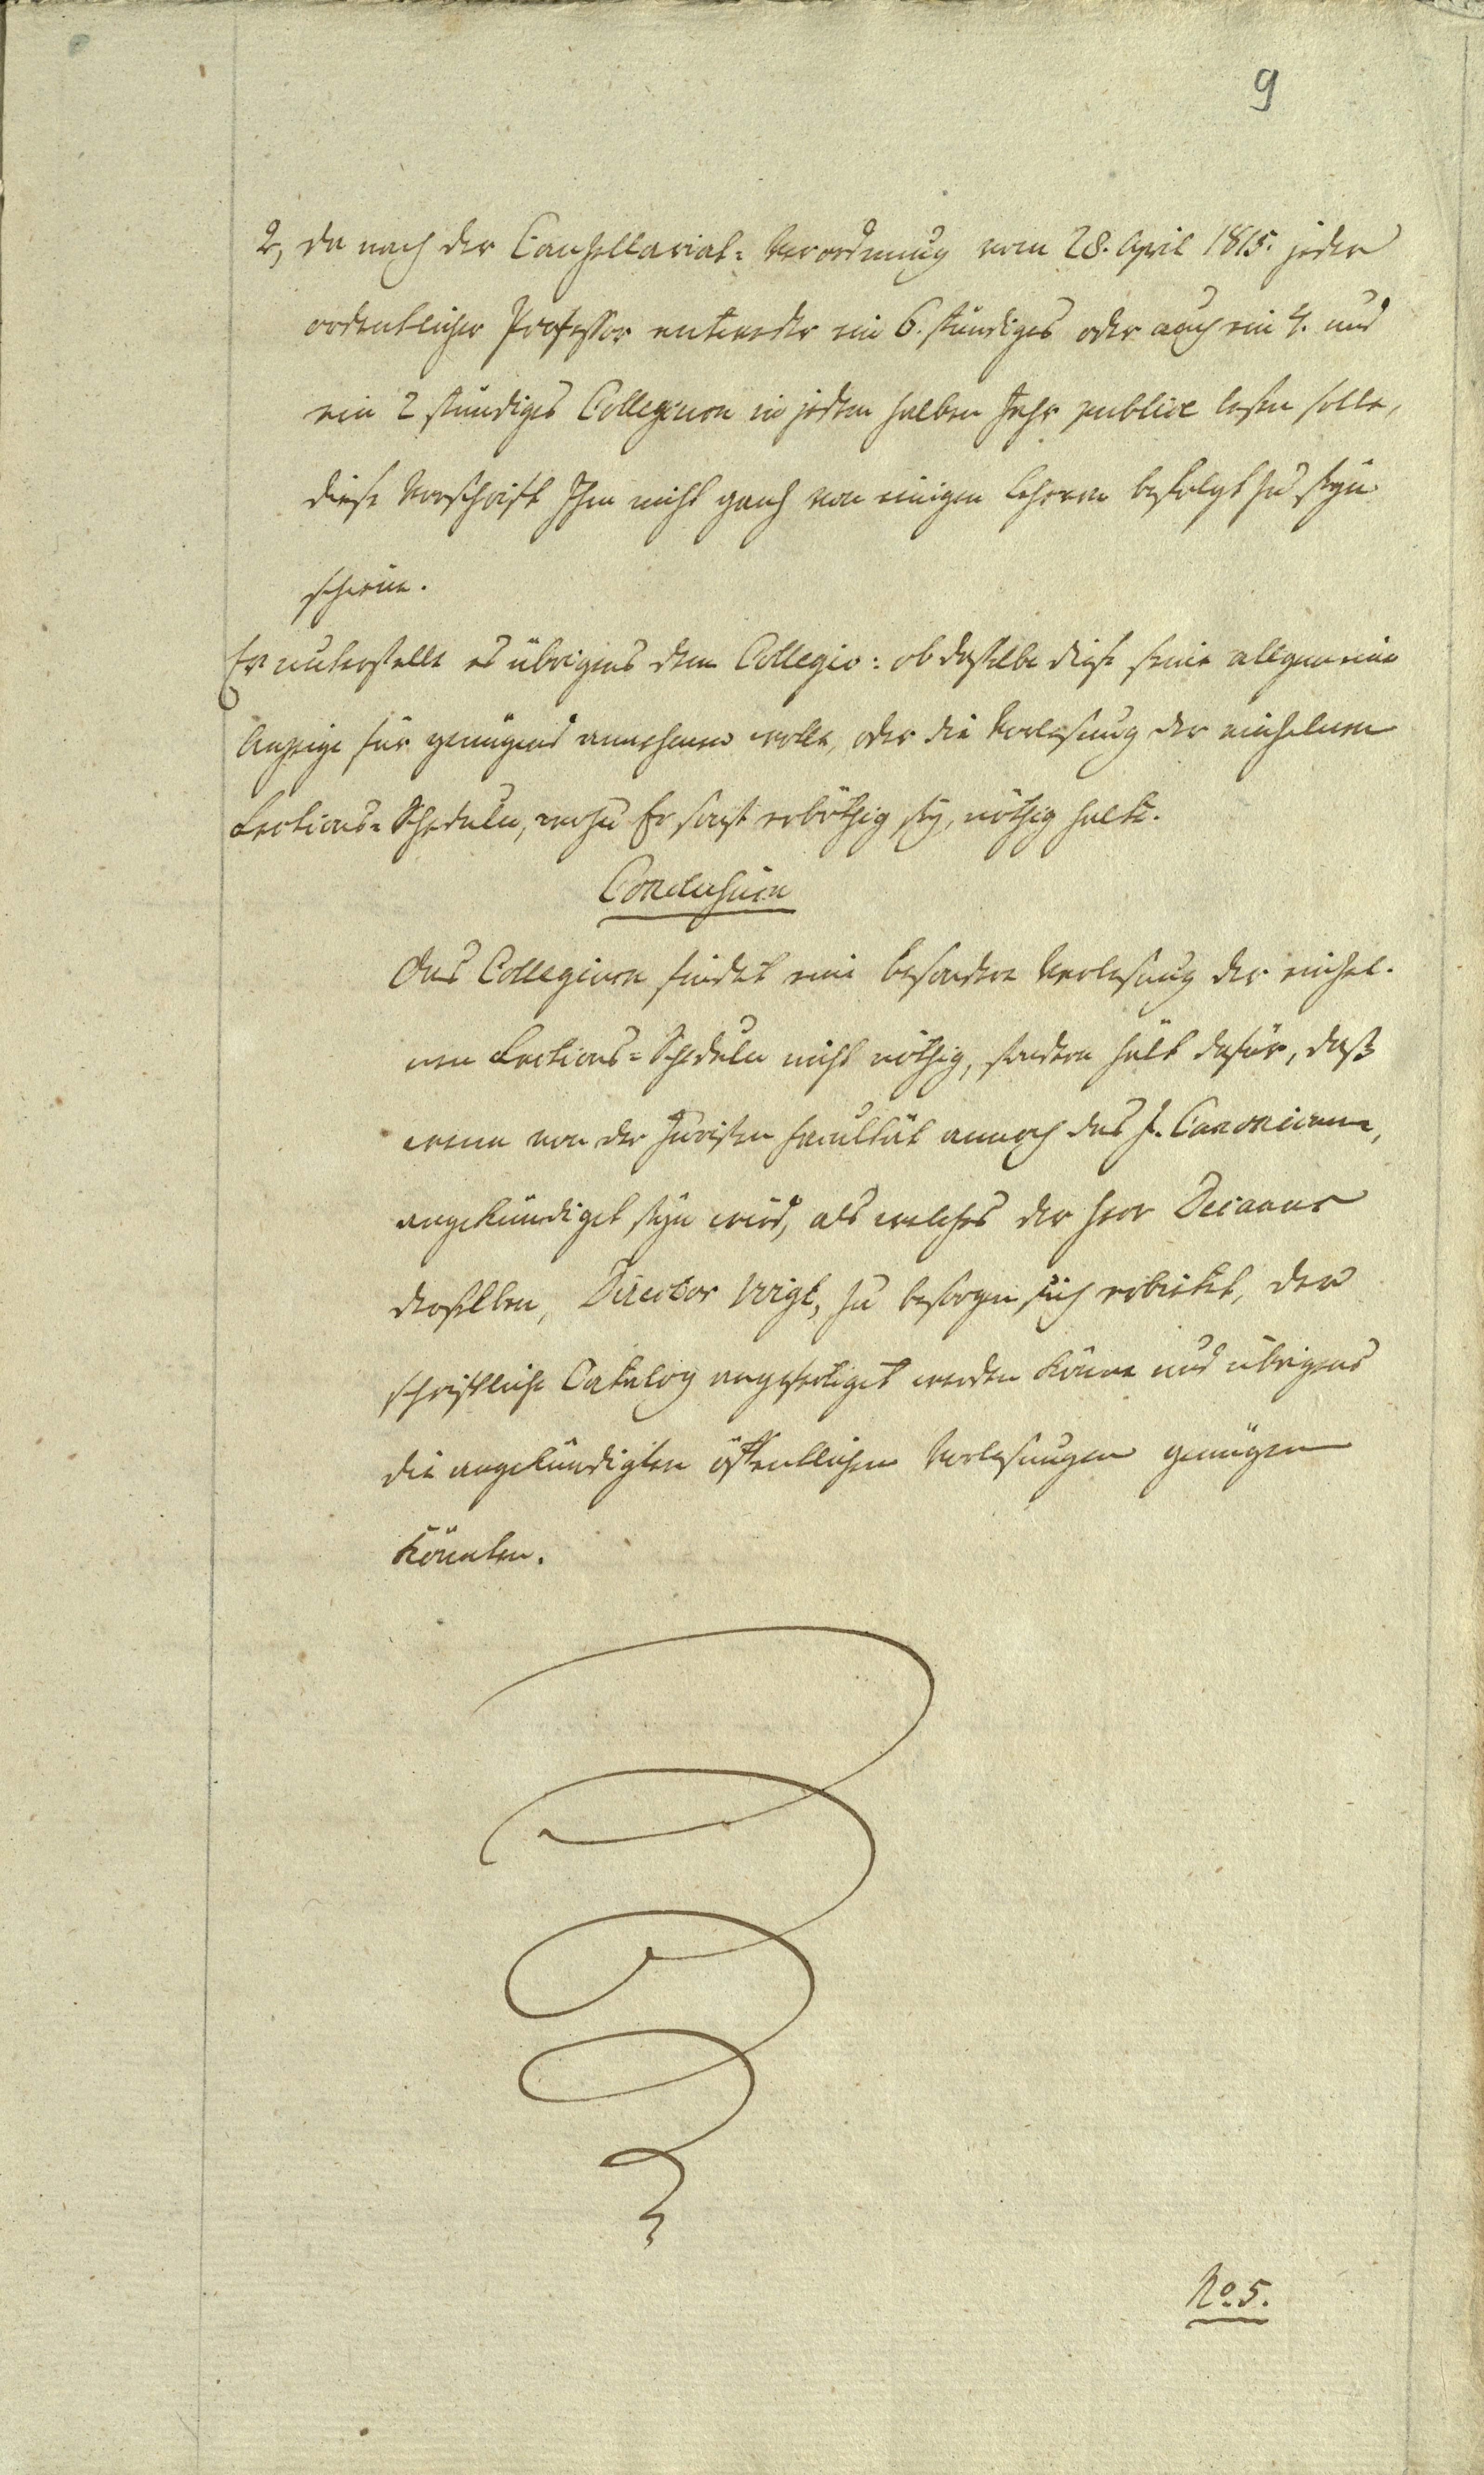2, da nach der Canzellariat. Verordnung vom 28. April 1815 jeder
ordentlicher Professor entweder ein 6. stündiges oder auch ein 4. und
ein 2 stündiges Collegium in jedem halben Jahr publice lesen solle,
diese Vorschrift Ihm nicht ganz von einigen Lehrern befolgt zu seÿn
schiene.
Er unterstelle es übrigens dem Collegio: ob dasselbe diese seine allgemeine
Anzeige für genügend annehmen wolle, oder die Vorlesung der einzelnen
Lections. Scheduln, wozu Er sonst erböthig seÿ, nöthig halte.
Conclusum
Das Collegium findet eine besondere Verlesung der einzel¬
nen Lections- Scheduln nicht nöthig, sondern hält dafür, daß
wenn von der Juristen Facultät annoch das J. Canonicum,
angekündiget seÿn wird, als welches der Herr Decanus
derselben Director Voigt, zu besorgen sich erbietet, der
schriftliche Catalog angefertiget werden könne und übrigens
die angekündigten öffentlichen Vorlesungen genügen
könnten.
Nº 5.